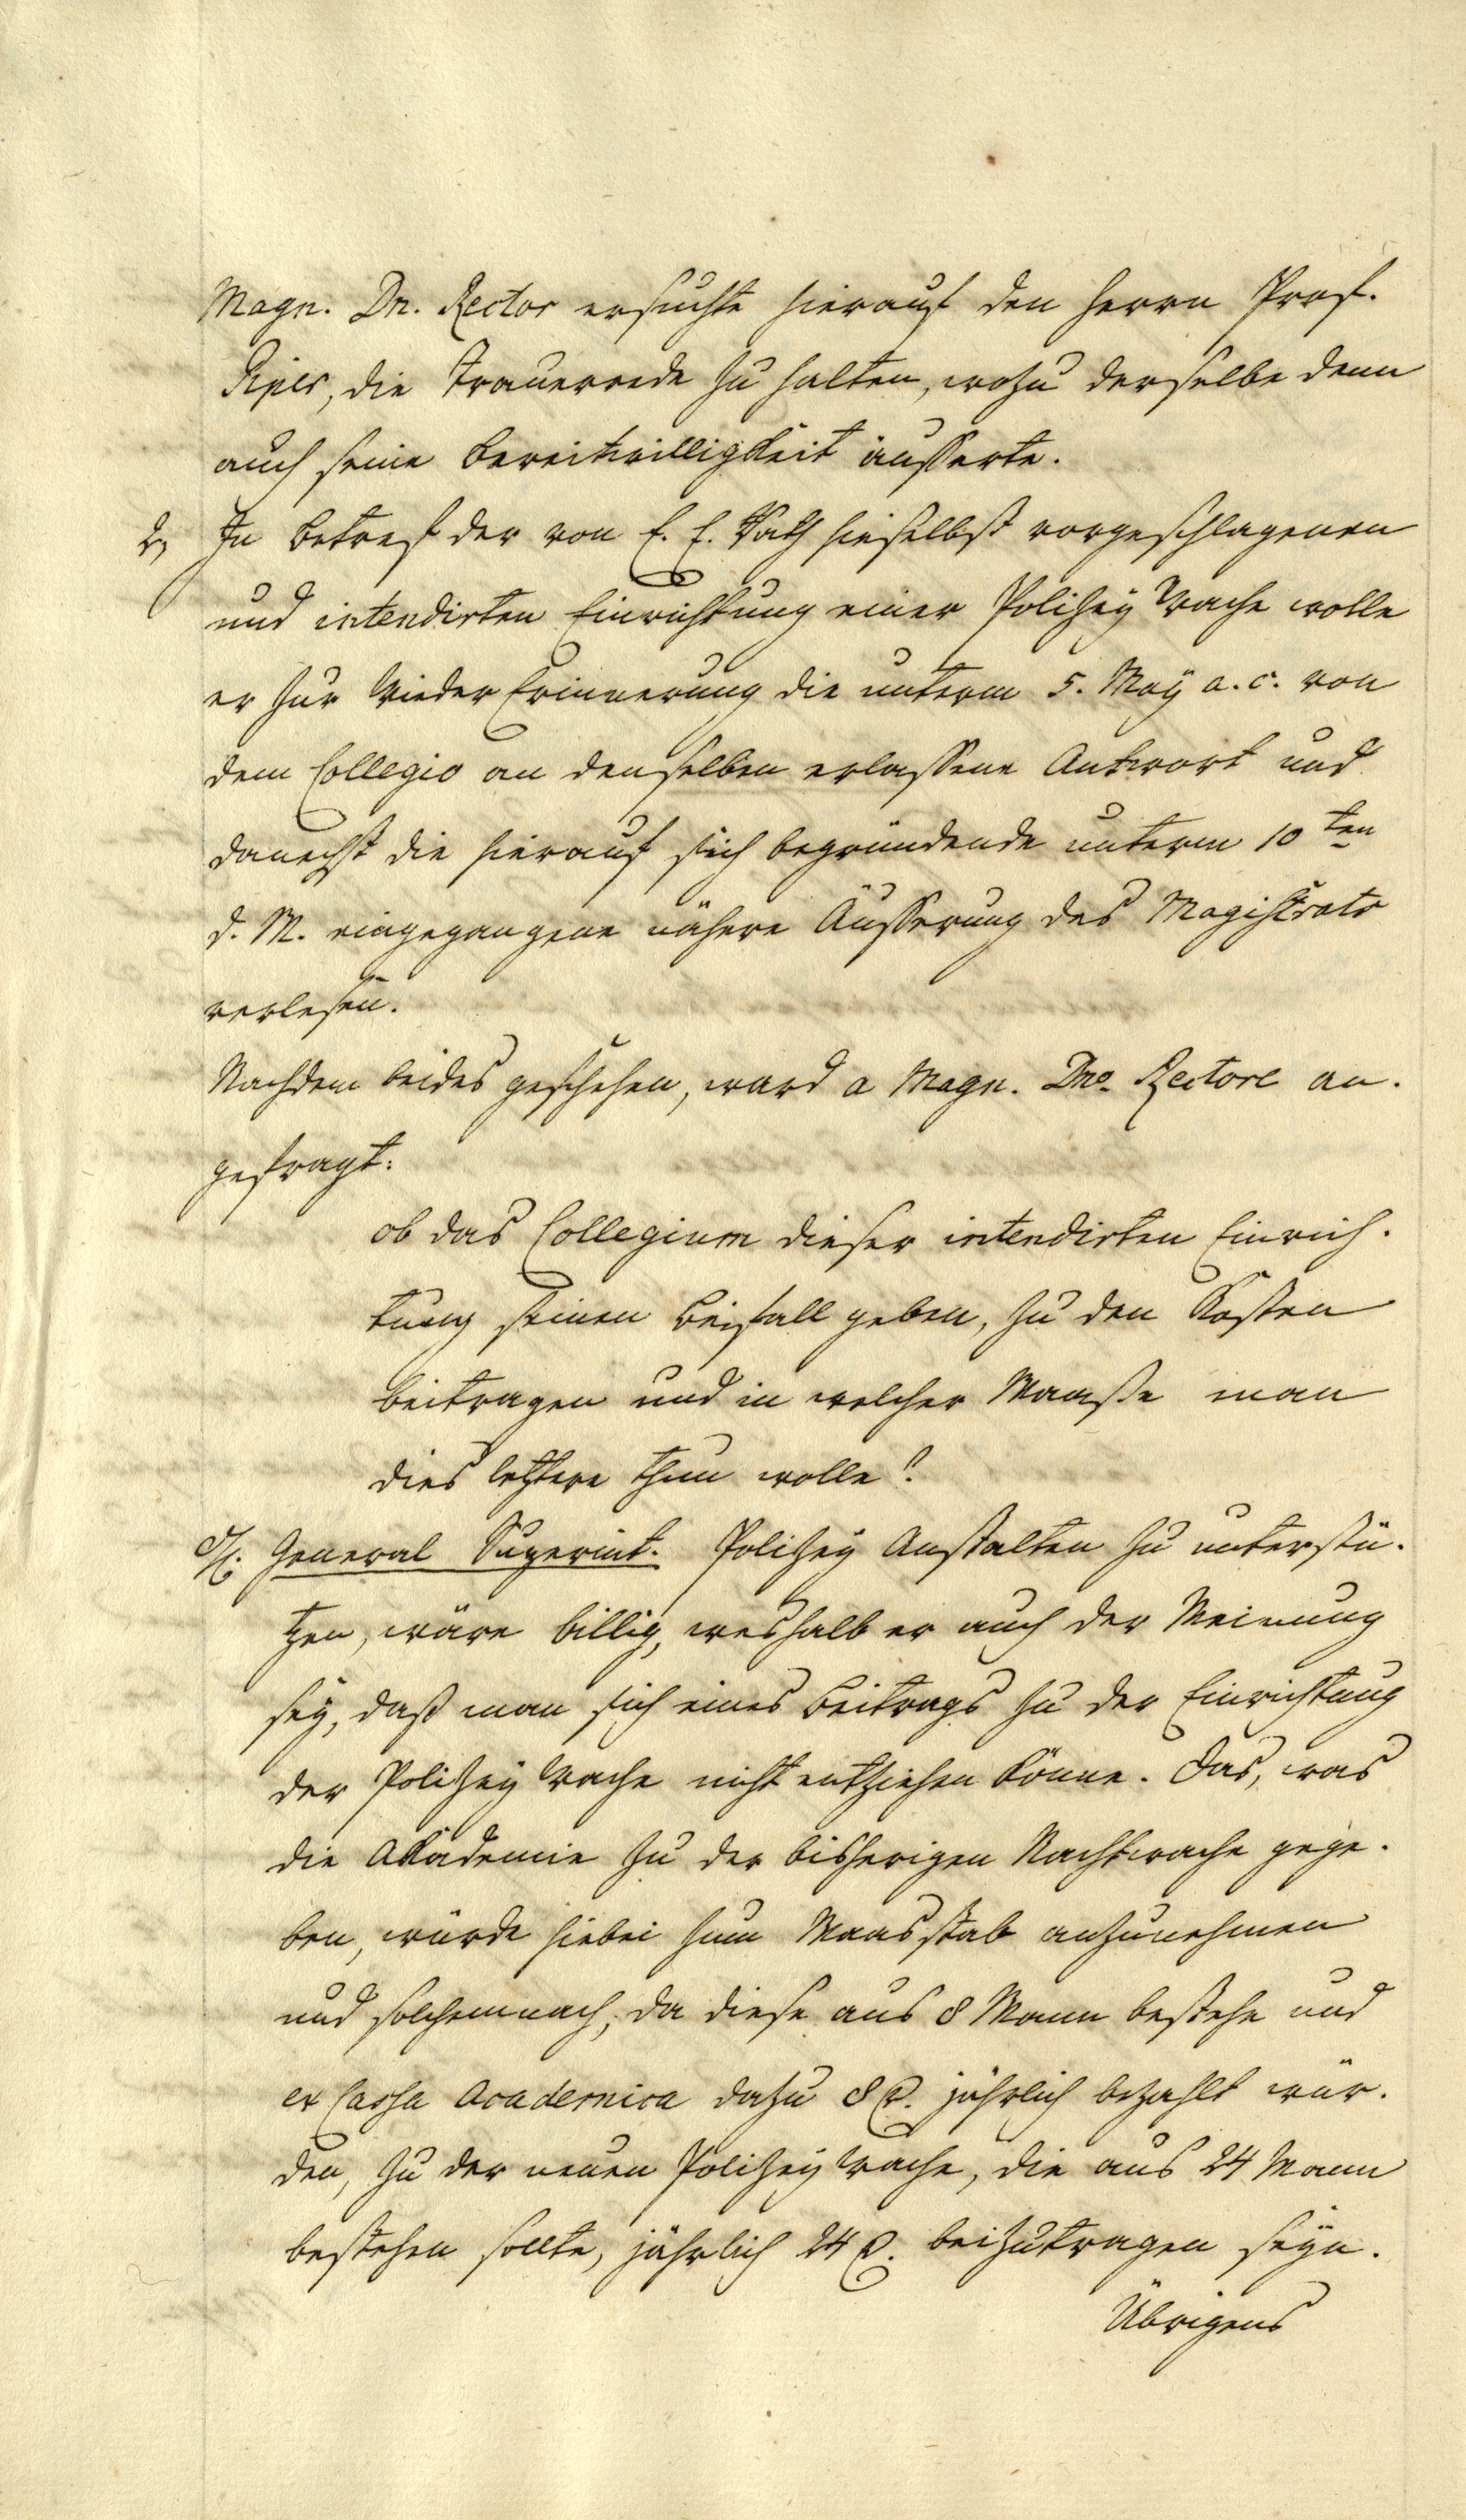Magn. Dn. Recotr ersuchte hierauf den herrn Prof.
Piper, die Trauerrede zu halten, wozu derselbe denn
auch eine Bereitwilligkeit äusserte.
2., In Betref der von E. E. Rath hieselbst vorgeschlagenen
und intendirten Einrichtung einer Polizey Wache wolle
er zur Wieder Erinnerung die unterm 5. May a. c. von
dem Collegio an denselben erlassene Antwort und
danechst die hierauf sich begründende unterm 10ten
d. M. eingegangene nähere Äusserung des Magistrats
verlesen.
Nachdem beides geschehen, ward a Magn. Dno. Rectore an-
gefragt:
ob das Collegium dieser intendirten Einrich-
tung seinen Beifall geben, zu den Kosten
beitragen und in welcher Maaße man
dies letztere thun wolle?
dh. General Superint. Polizey Anstalten zu unterstü-
tzen, wäre billig, weshalb er auch der Meinung
sey, daß man sich eines Beitrags zu der Einrichtung
der Polizey Wache nciht entziehen könne. Das, was
die Akademie zu der bisherigen Nachtwache gege-
ben, würde hiebei zum Maasstab anzunehmen
und solchemnach, da diese aus 8 Mann bestehe und
ex Cassa Academica dazu 8 rtl. jährlich bezahlt wür-
den, zu der neuen Polizey Wache, die aus 24 Mann
bestehen sollte, jährlich 24 rtl. beizutragen seyn.
Übrigens